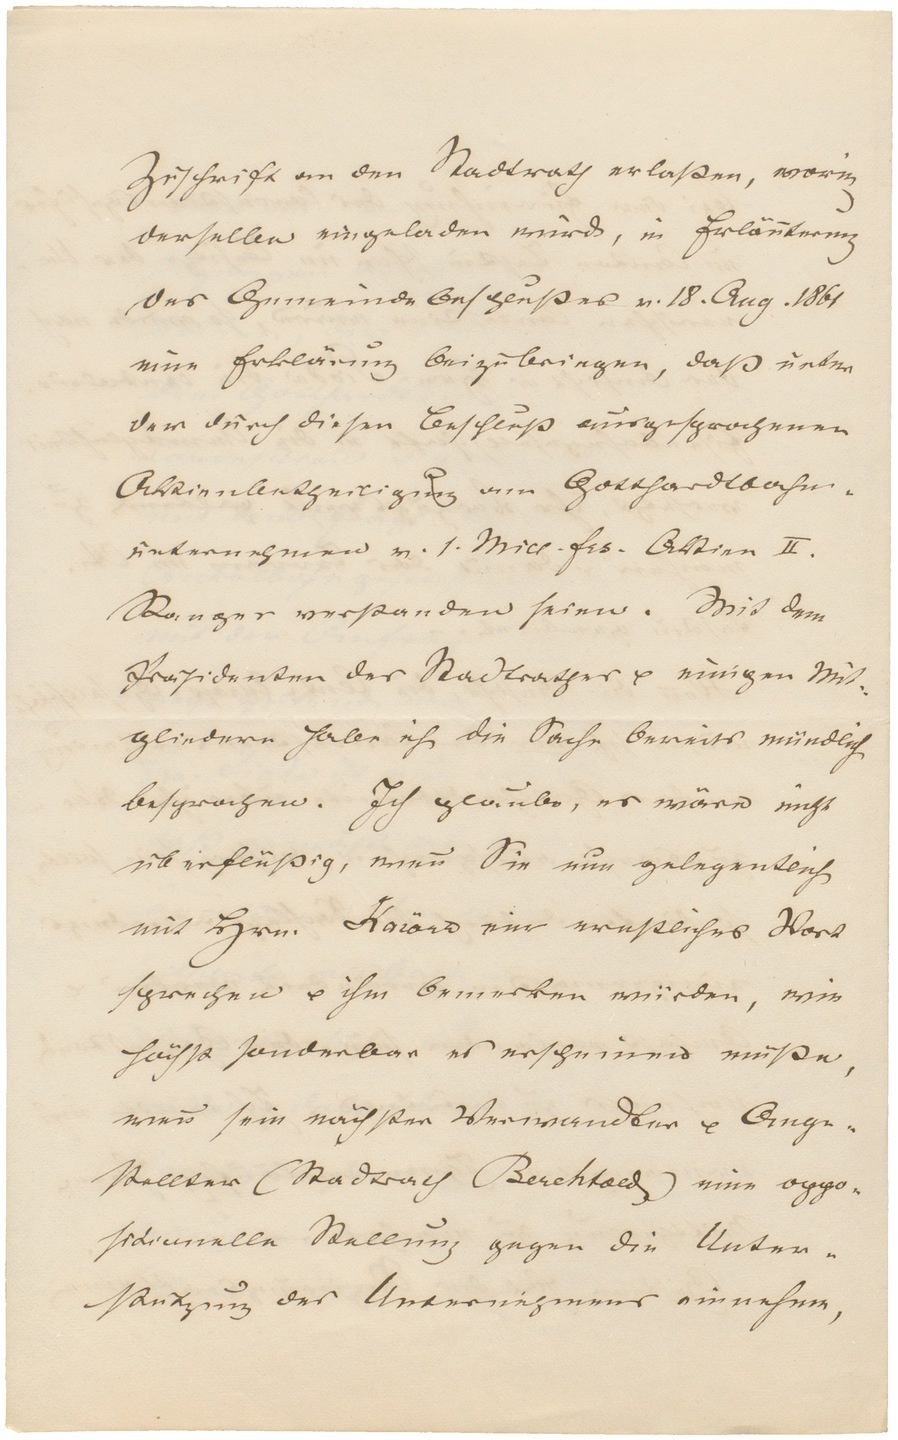Zuschrift an den Stadtrath erlaßen, worin
derselbe eingeladen wird, in Erläuterung
des Gemeindebeschlußes v. 18. Aug. 1861
eine Erklärung beizubringen, daß unter
der durch diesen Beschluß ausgesprochenen
Aktienbetheiligung am Gotthardtbahn-
unternehmen v. 1. Mill. frs. Aktien II.
Ranges verstanden seien. Mit dem
Präsidenten des Stadtrathes & einigen Mit-
gliedern habe ich die Sache bereits mündlich
besprochen. Ich glaube, es wäre nicht
überflüßig, wenn Sie nun gelegentlich
mit Hrn. Knörr ein ernstliches Wort
sprechen & ihm bemerken würden, wie
höchst sonderbar es erscheinen müße,
wenn sein nächster Verwandter & Ange-
stellter (Stadtrath Berchtold) eine oppo-
sitionelle Stellung gegen die Unter-
stützung des Unternehmens einnehme,